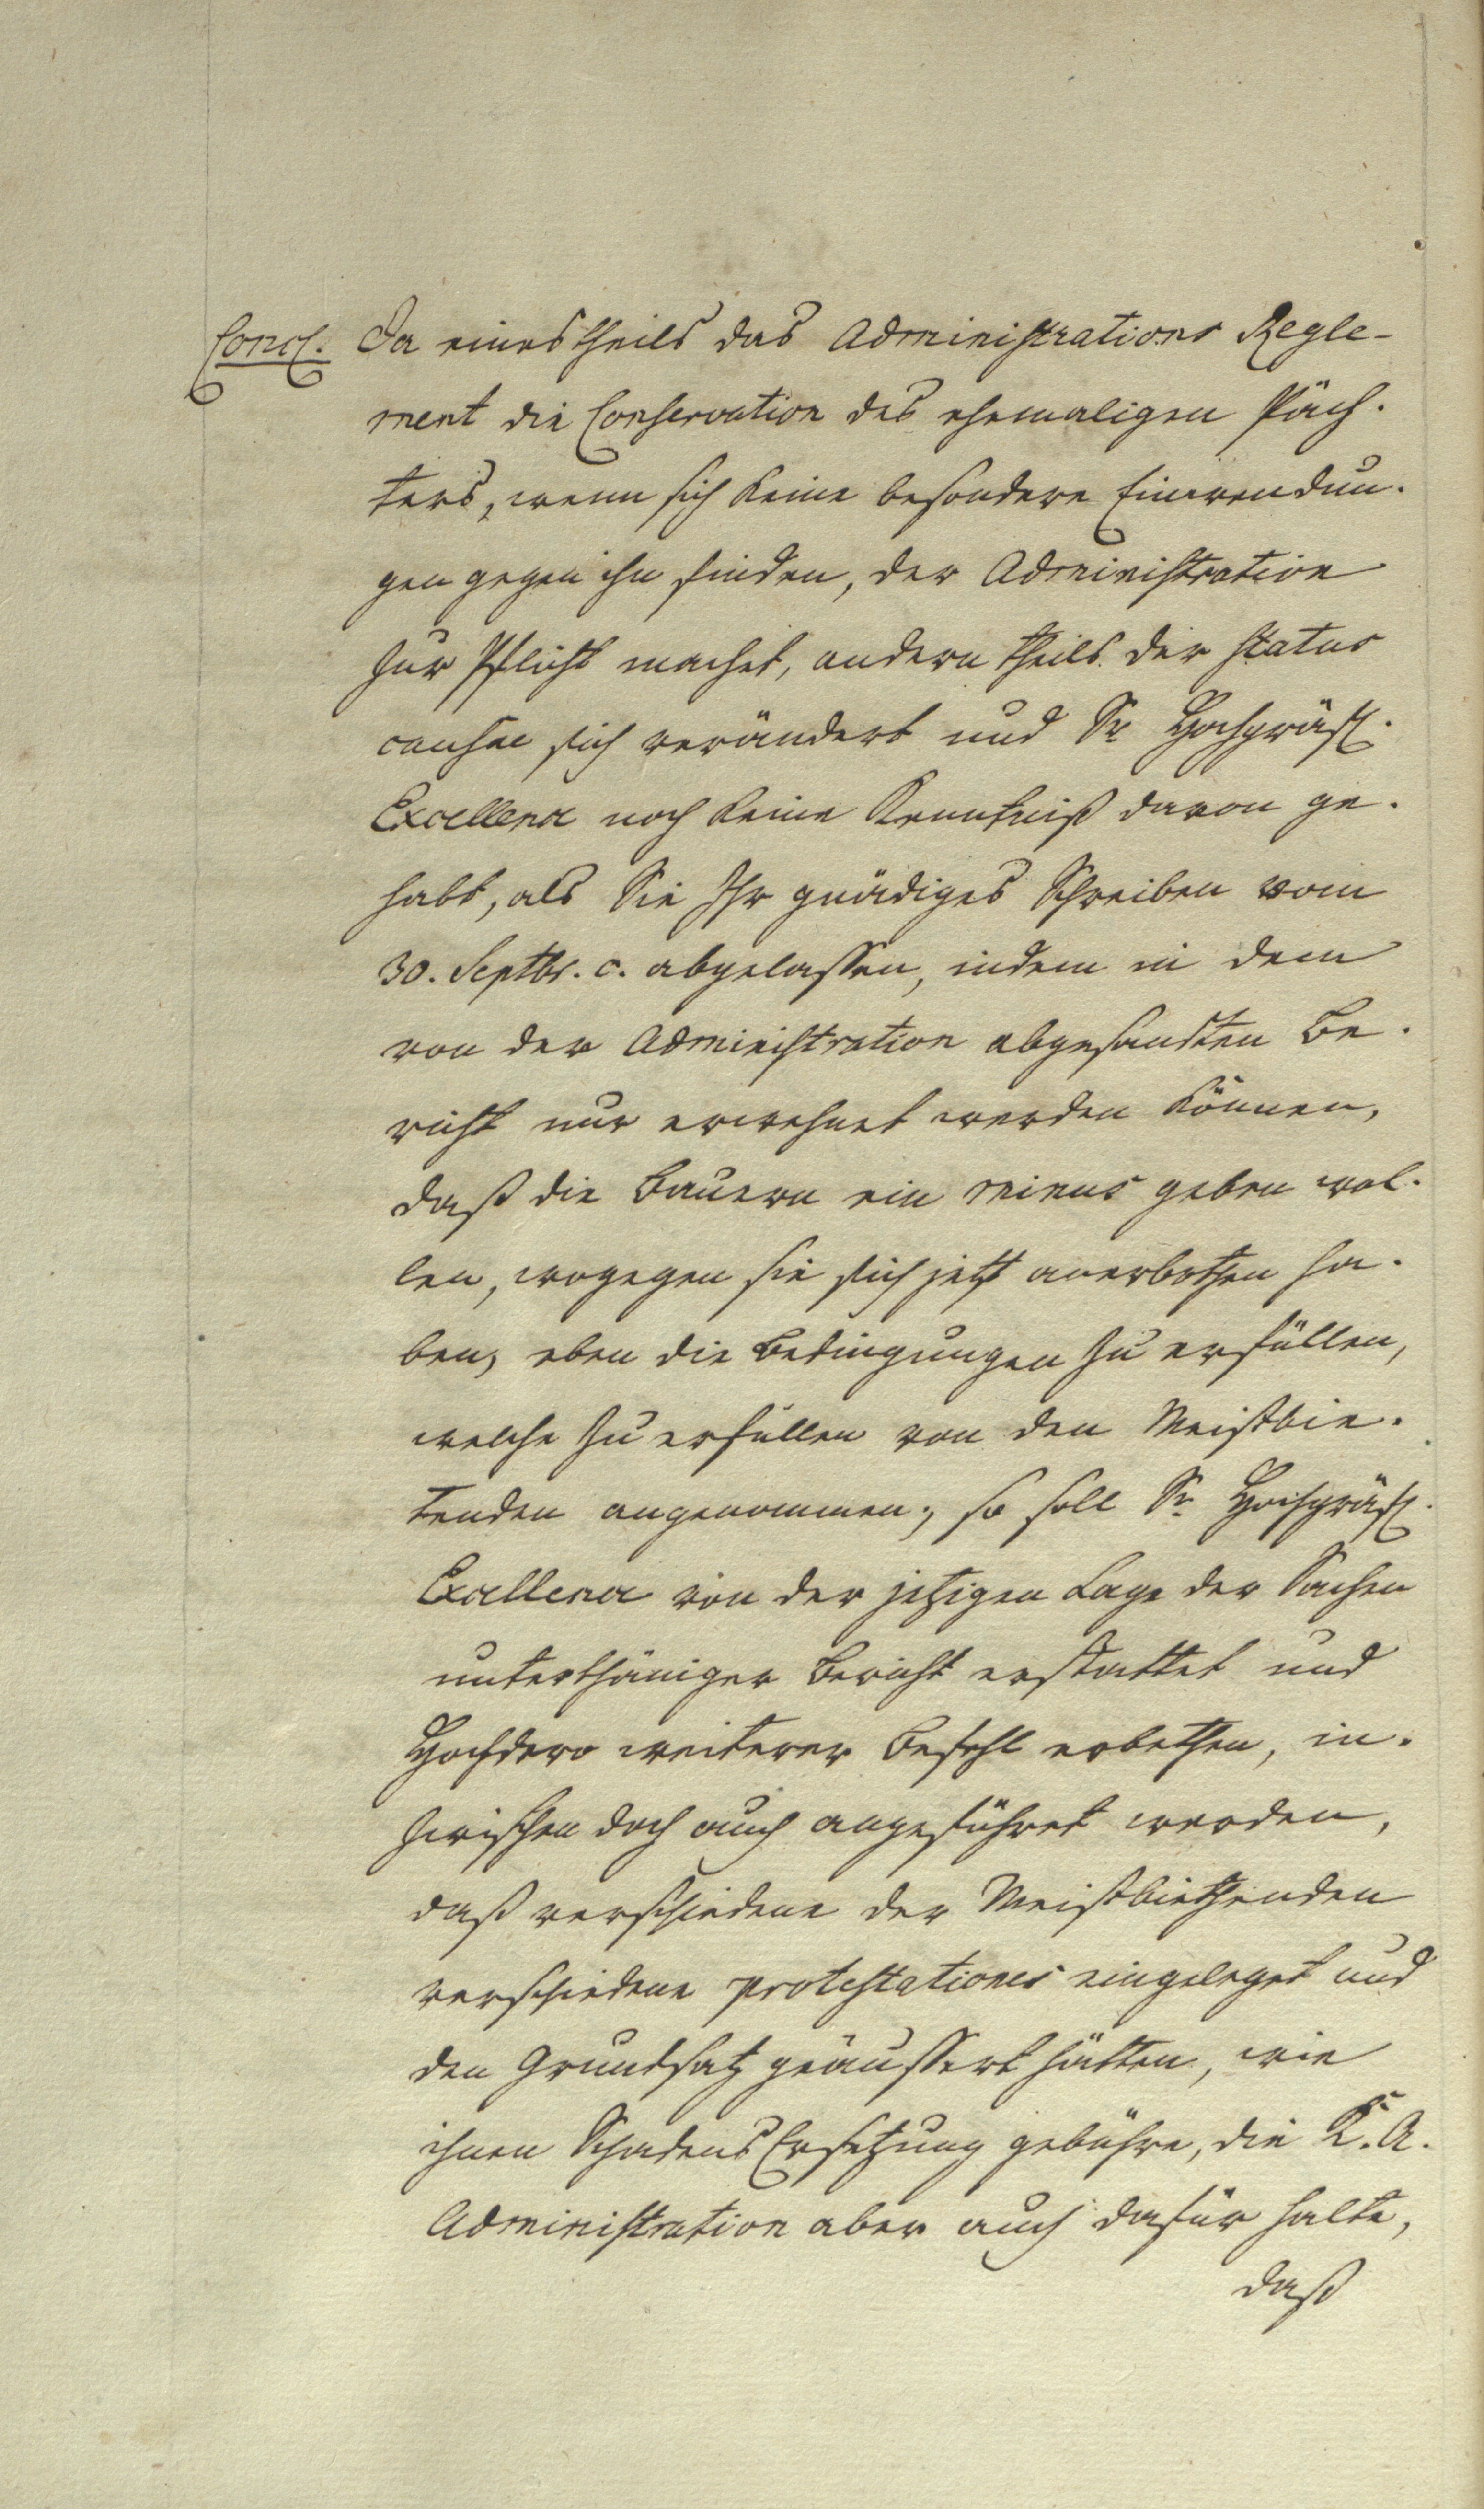Concl. Da eines theils das Administrations Regle¬
ment die Conservation des ehemaligen Päch¬
ters, wenn sich keine besondere Einwendun¬
gen gegen ihn finden, der Administration
zur Pflicht machet, andern theils der status
causae sich verändert und Sr Hochgräfl.
Excellence noch keine Kenntniß davon ge¬
habt, als Sie Ihr gnädiges Schreiben vom
30. Septbr. c. abgelassen, indem in dem
von der Administration abgesandten Be¬
richt nur erwehnet werden können,
daß so die Bauern ein minus geben wol¬
len, wogegen sie sich jetzt anerbothen ha¬
ben, eben die Bedingungen zu erfüllen,
welche zu erfüllen von den Meistbie¬
tenden angenommen; so soll Sr Hochgräfl.
Excellence von der jetzigen Lage der Sachen
unterthäniger Bericht erstattet und
Hochdero weiteren Befehl erbethen, in¬
zwischen doch auch angeführet werden,
daß verschiedene der Meistbiethenden
verschiedene protestationes eingeleget und
den Grundsatz geäussert hätten, wie
ihnen Schadens Ersetzung gebühre, die K. A.
Administration aber auch dafür halte,
daß